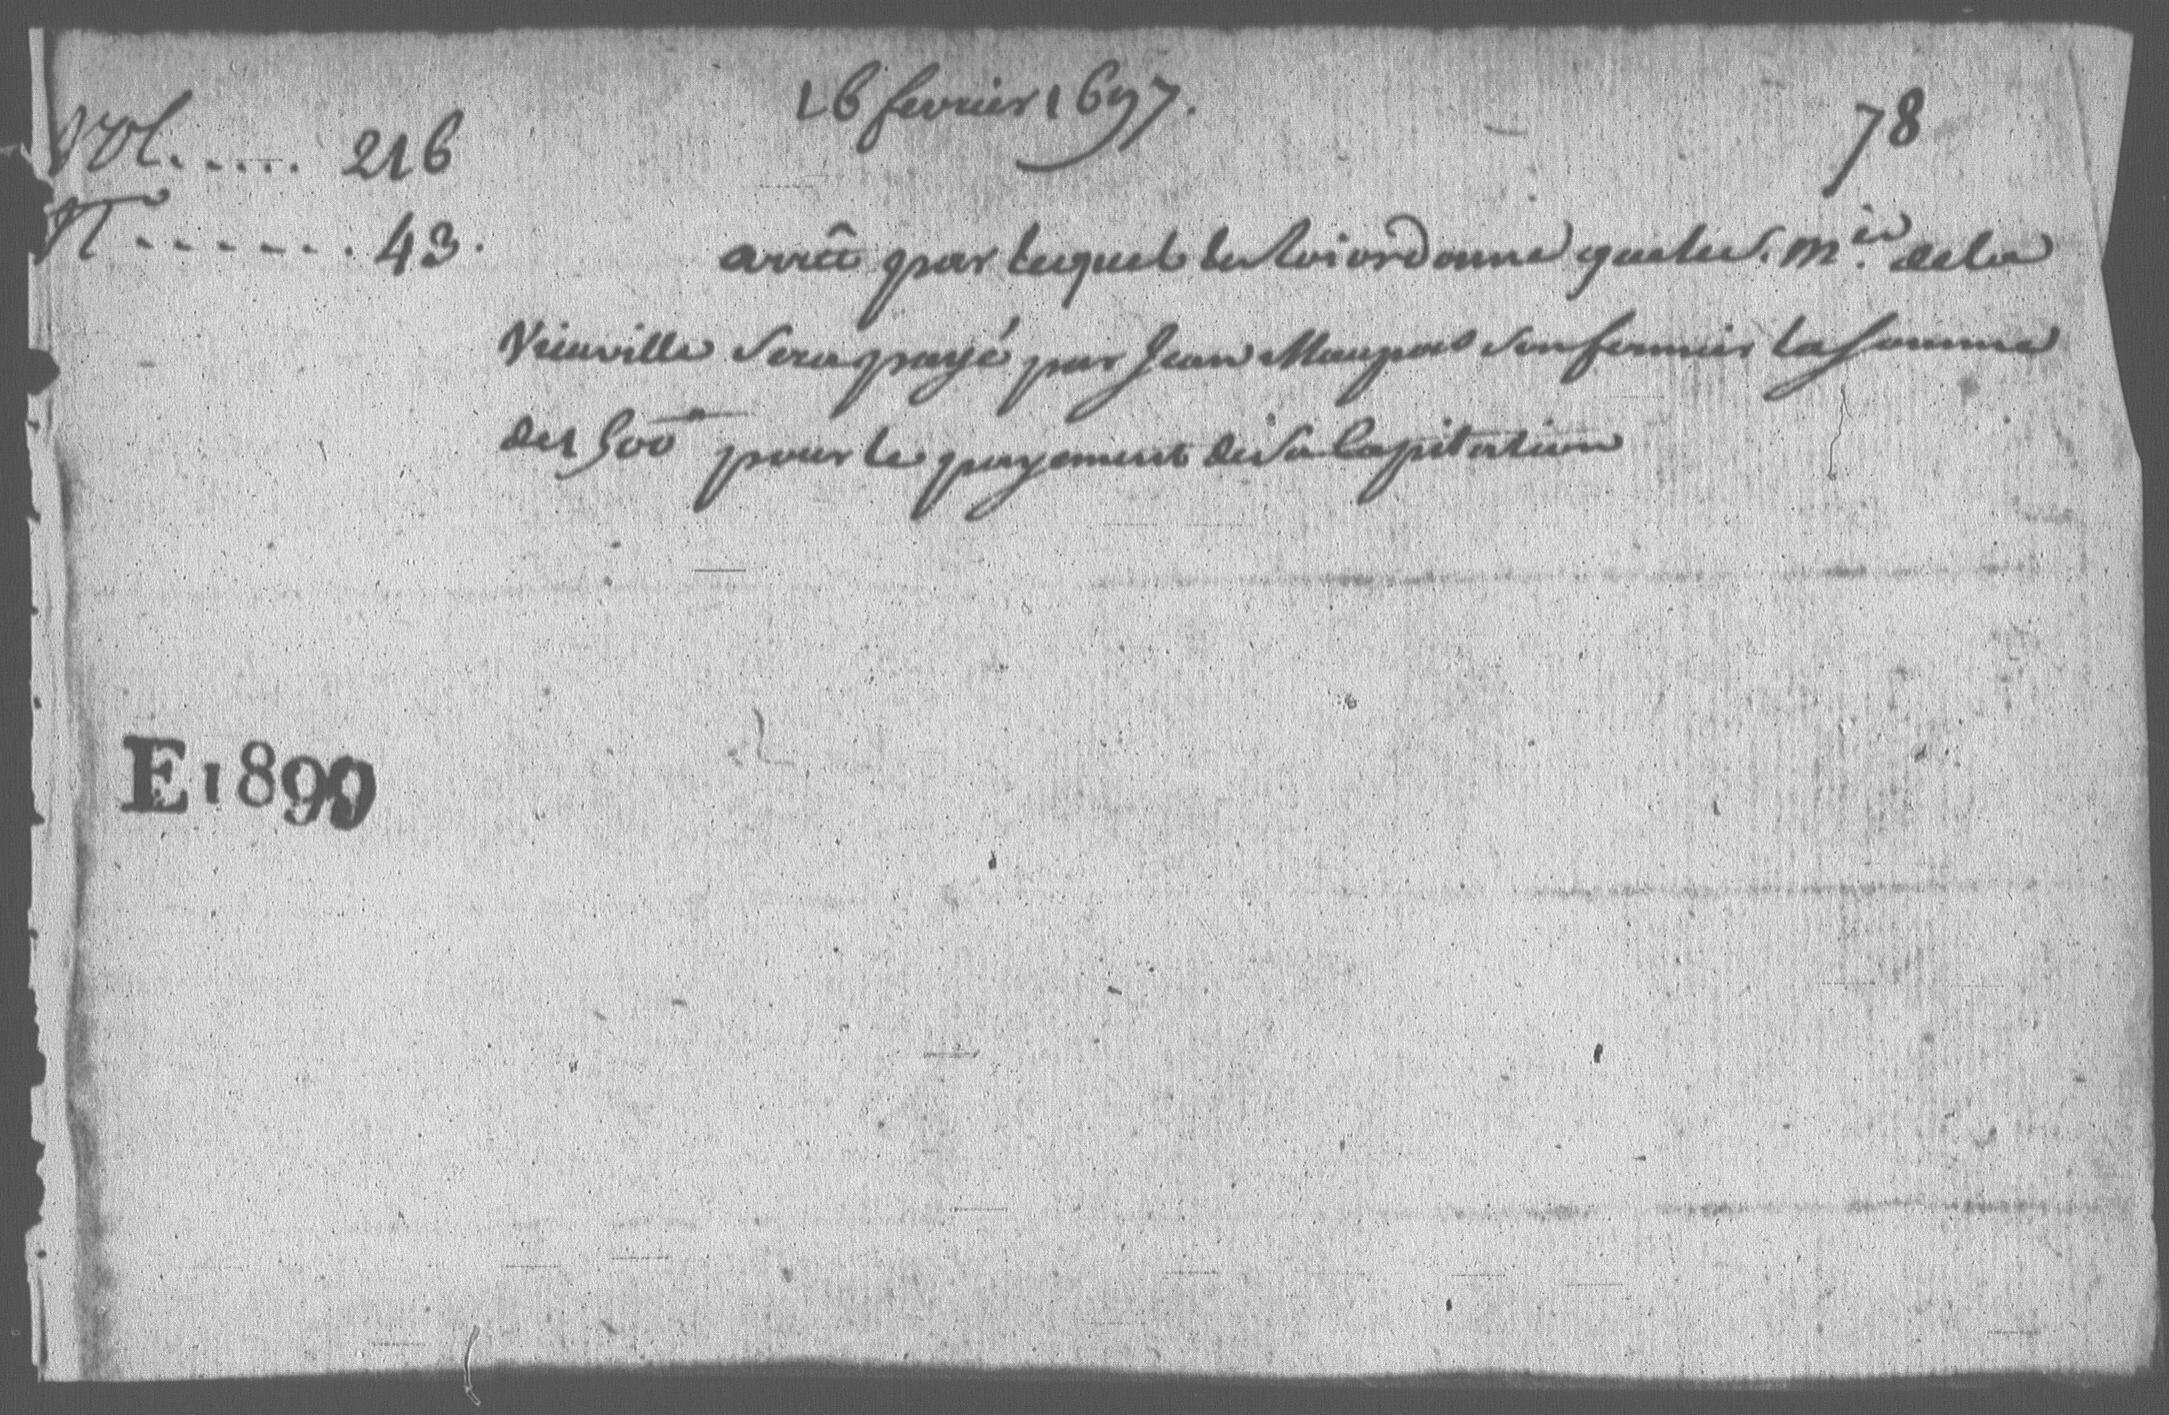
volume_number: n°43
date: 16 février 1697
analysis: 78
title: arrêt par lequel de Roi ordonne que le S. M.is de la Vieuville sera payé par Jean Maupas son fermier la somme de 1500 # pour le payement de sa capitation
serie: E
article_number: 1899
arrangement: vol. 216
